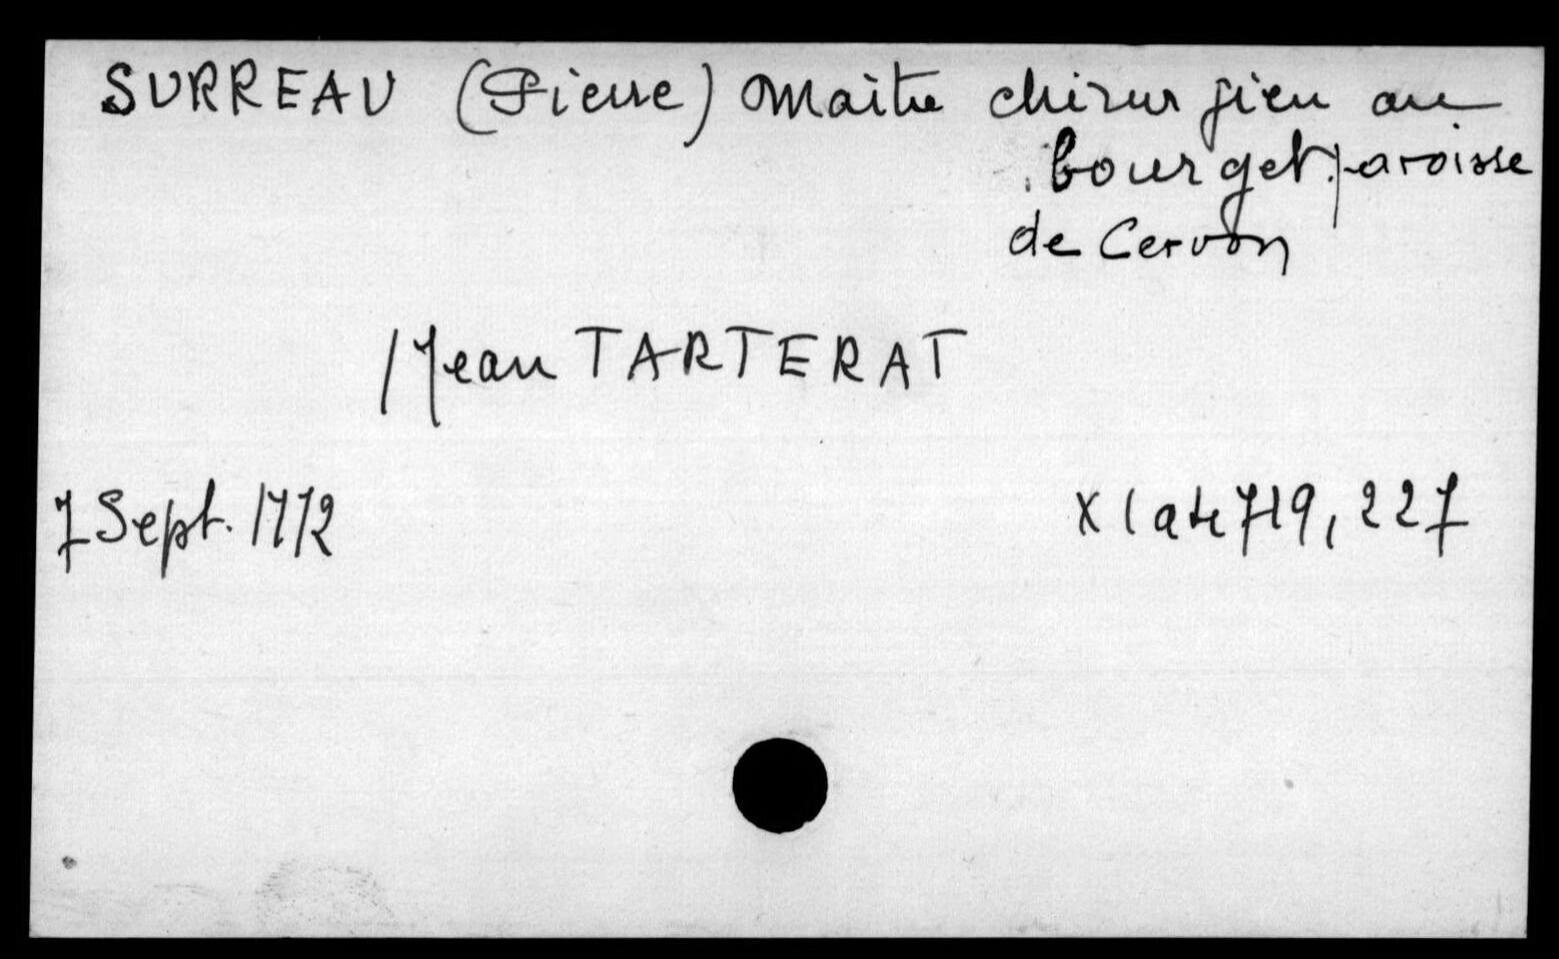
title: SURREAU (Pierre) Maître chirurgien au bourget paroisse de Cervon
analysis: Contre Jean TARTERAT
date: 7 septembre 1772
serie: X1a
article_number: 4719
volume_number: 227
